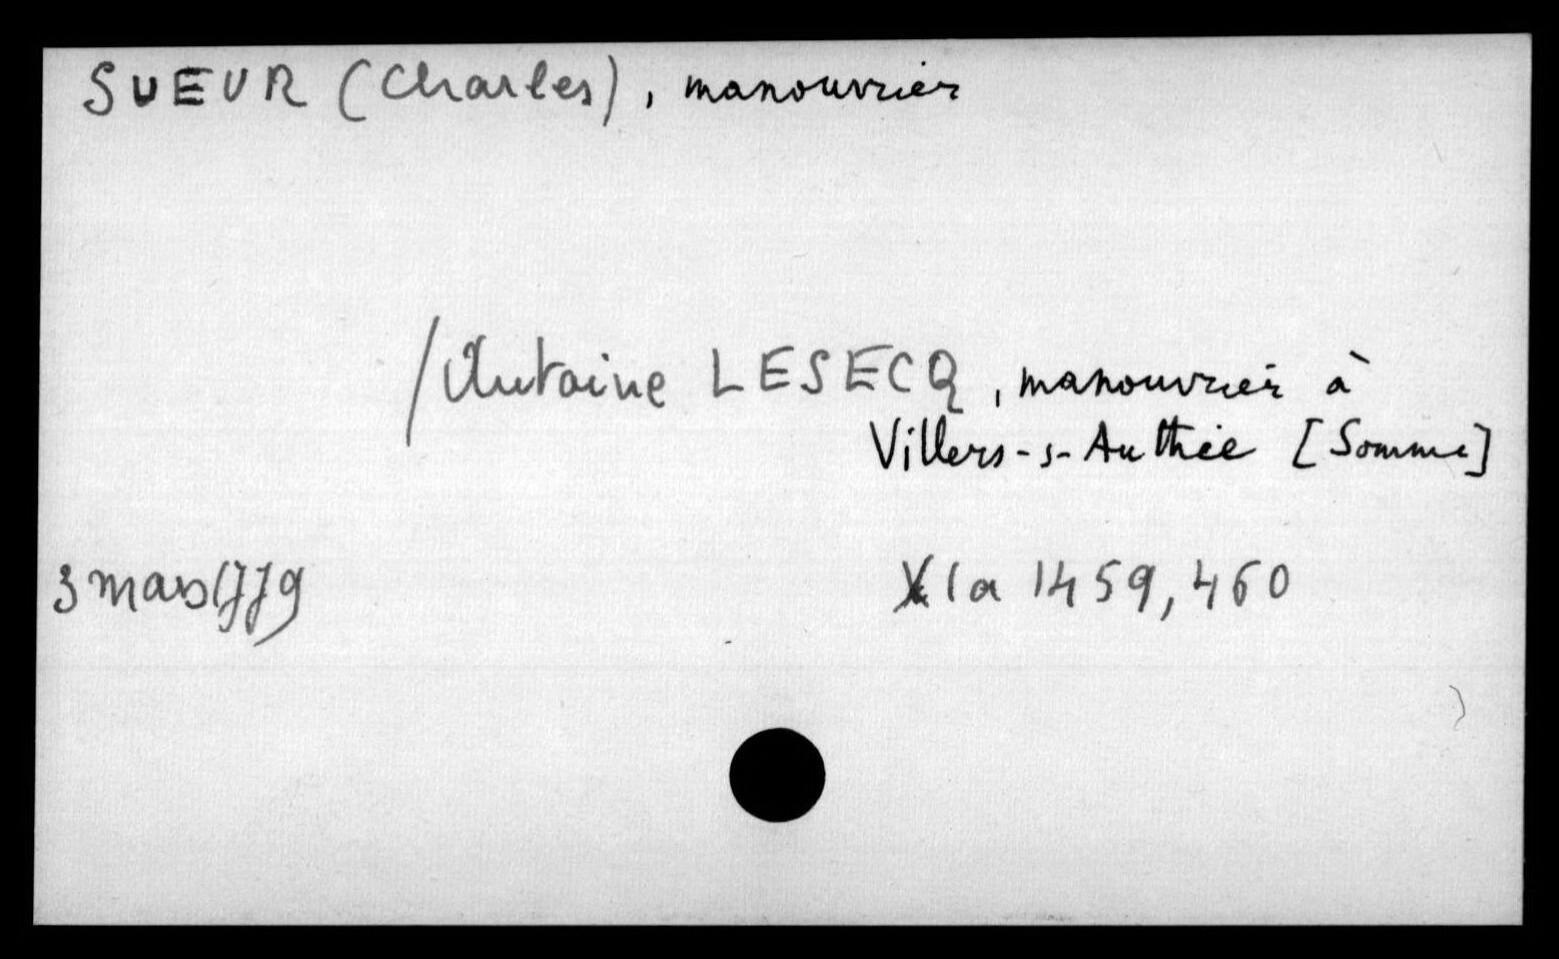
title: SUEUR (Charles), manouvrier
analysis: Contre Antoine LESECQ, manouvrier à Villers-sur-Authée [Somme]
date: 3 mars 1779
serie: X1a
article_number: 1459
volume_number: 460
